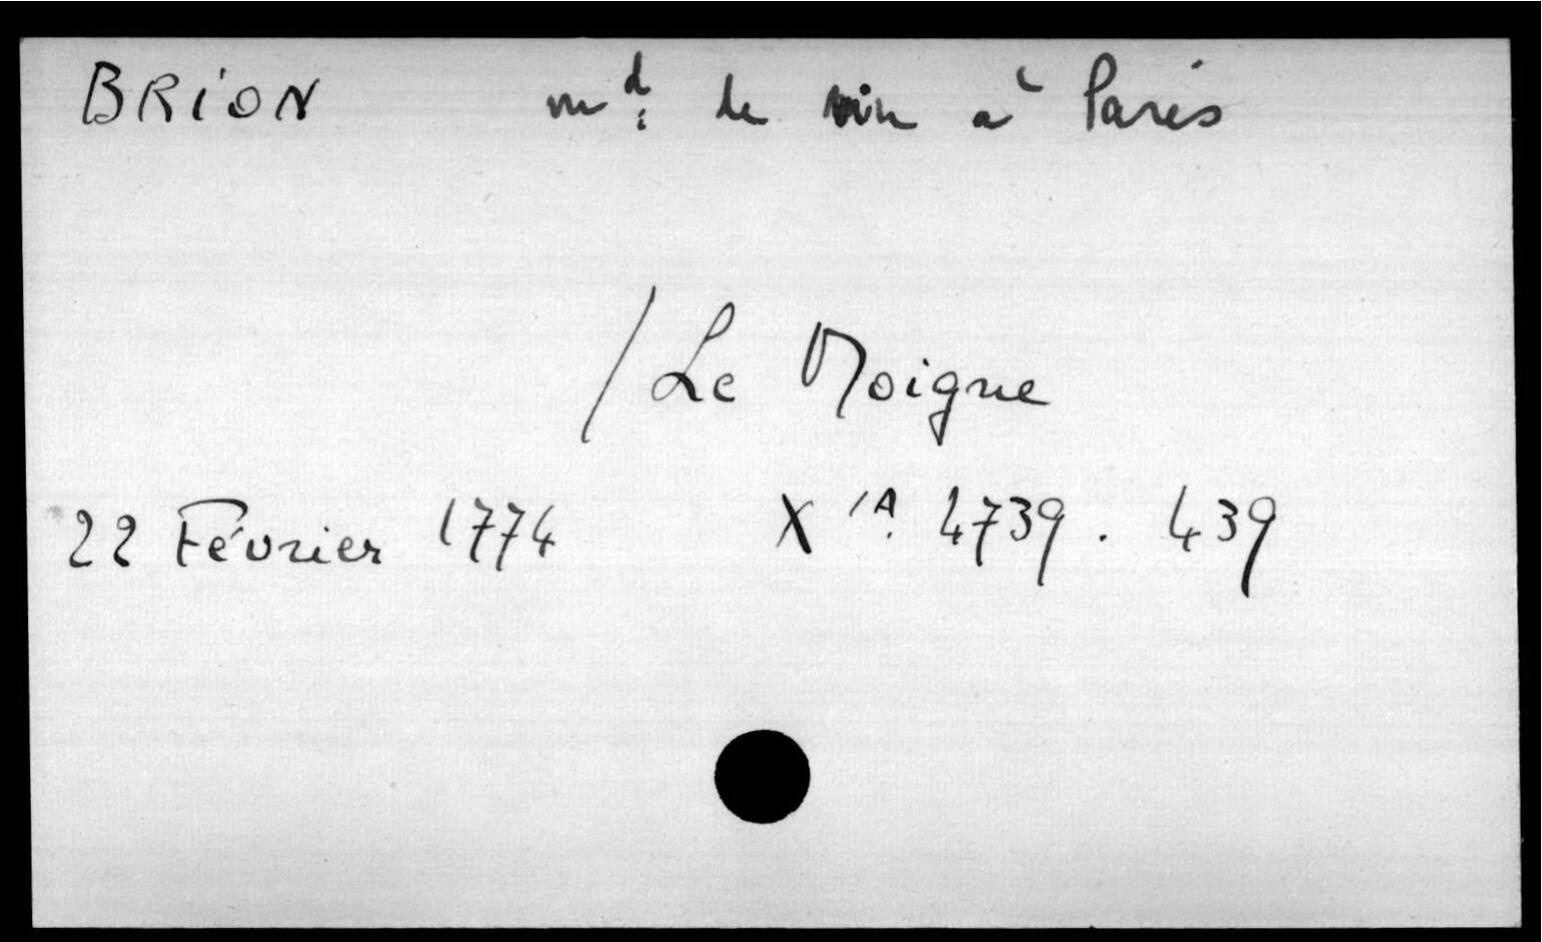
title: BRION marchand de vin à Paris
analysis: Contre Le Moigne
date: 22 février 1774
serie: X1A
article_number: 4739
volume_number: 439
